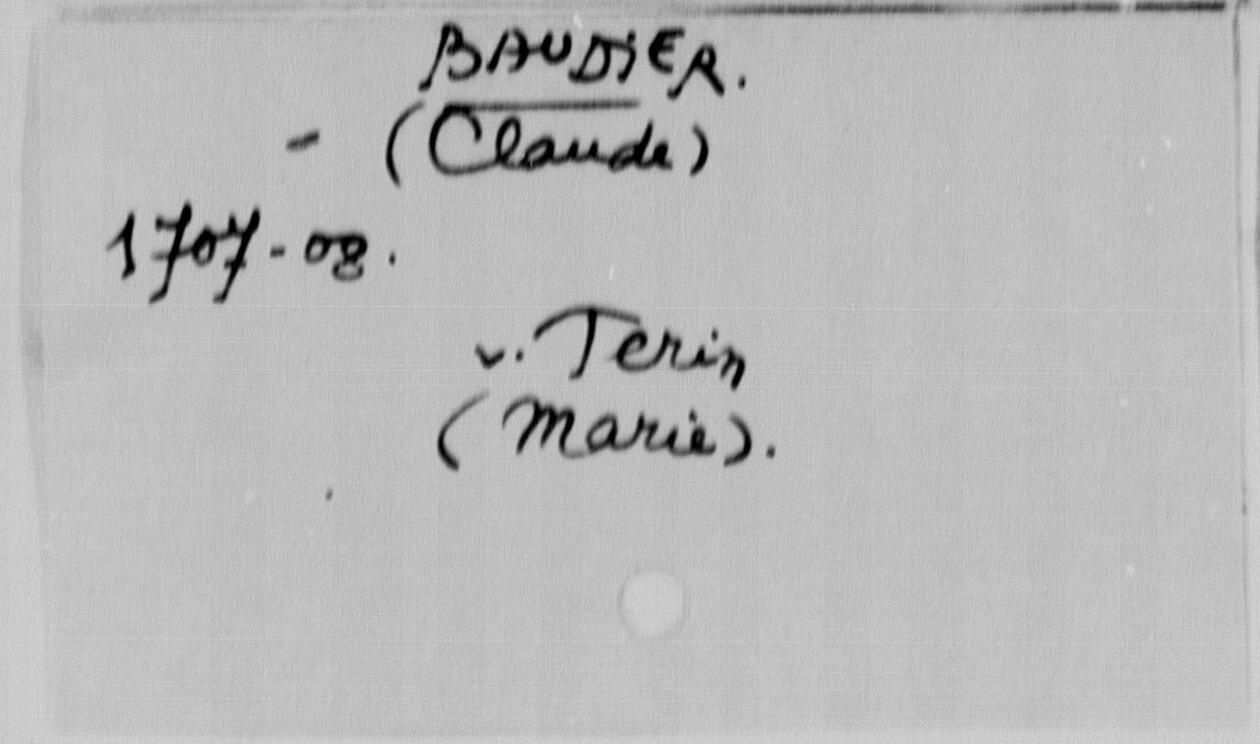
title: BAUDIER (Claude)
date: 1707-1708
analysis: Voir TERIN (Marie)
